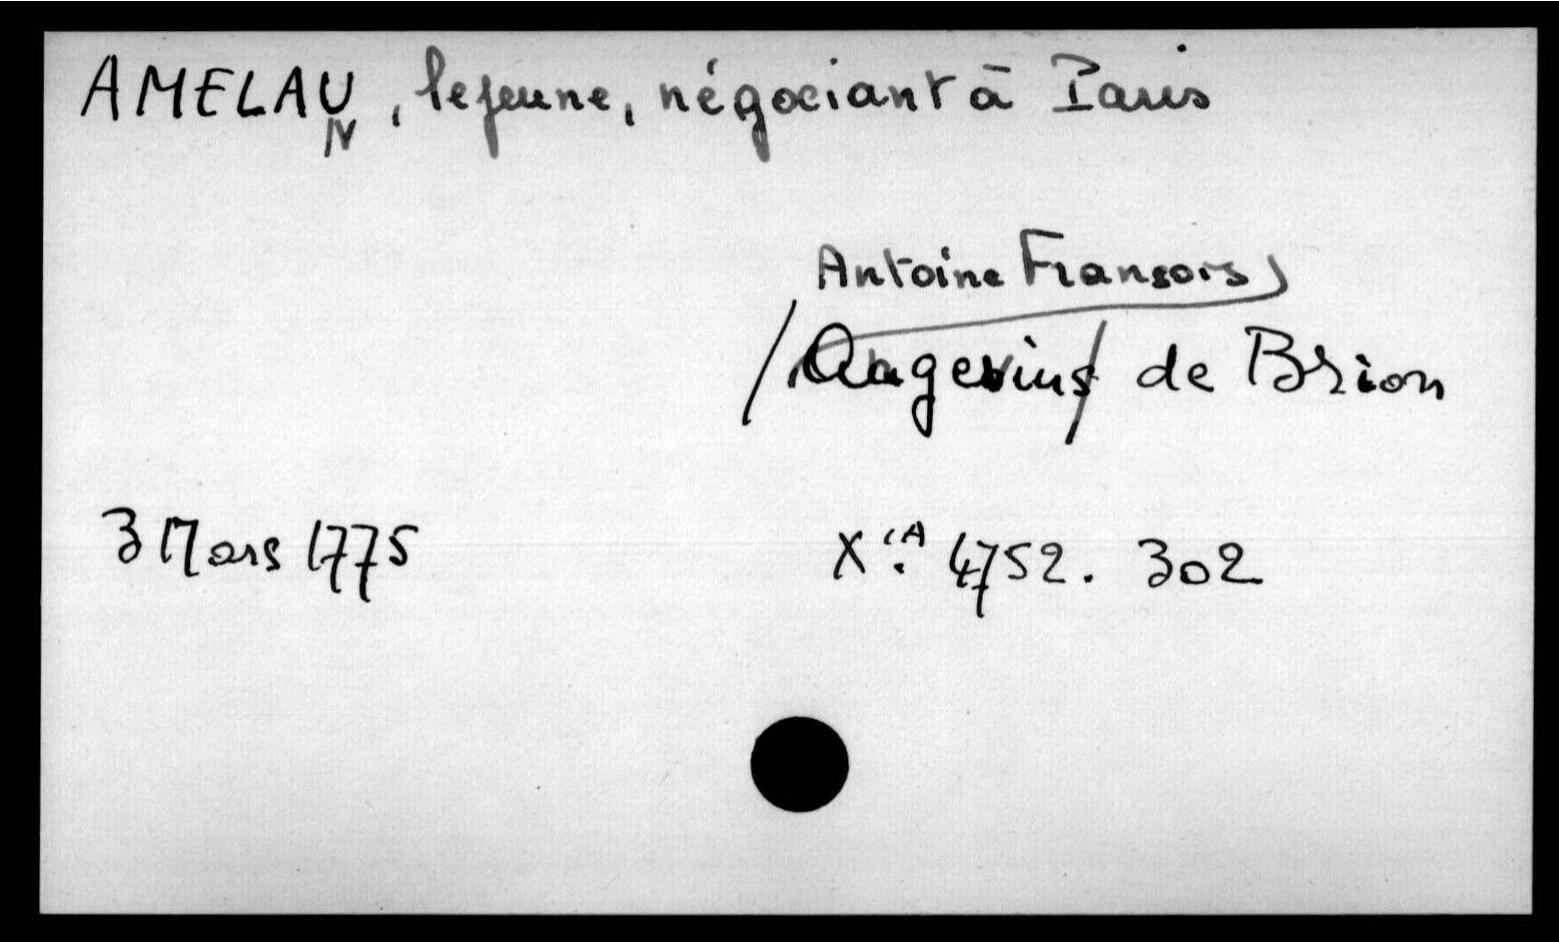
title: AMELAN, le jeune, négociant à Paris
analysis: Contre Antoine François Angevins de Brion
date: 3 mars 1775
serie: X1A
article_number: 4752
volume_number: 302
